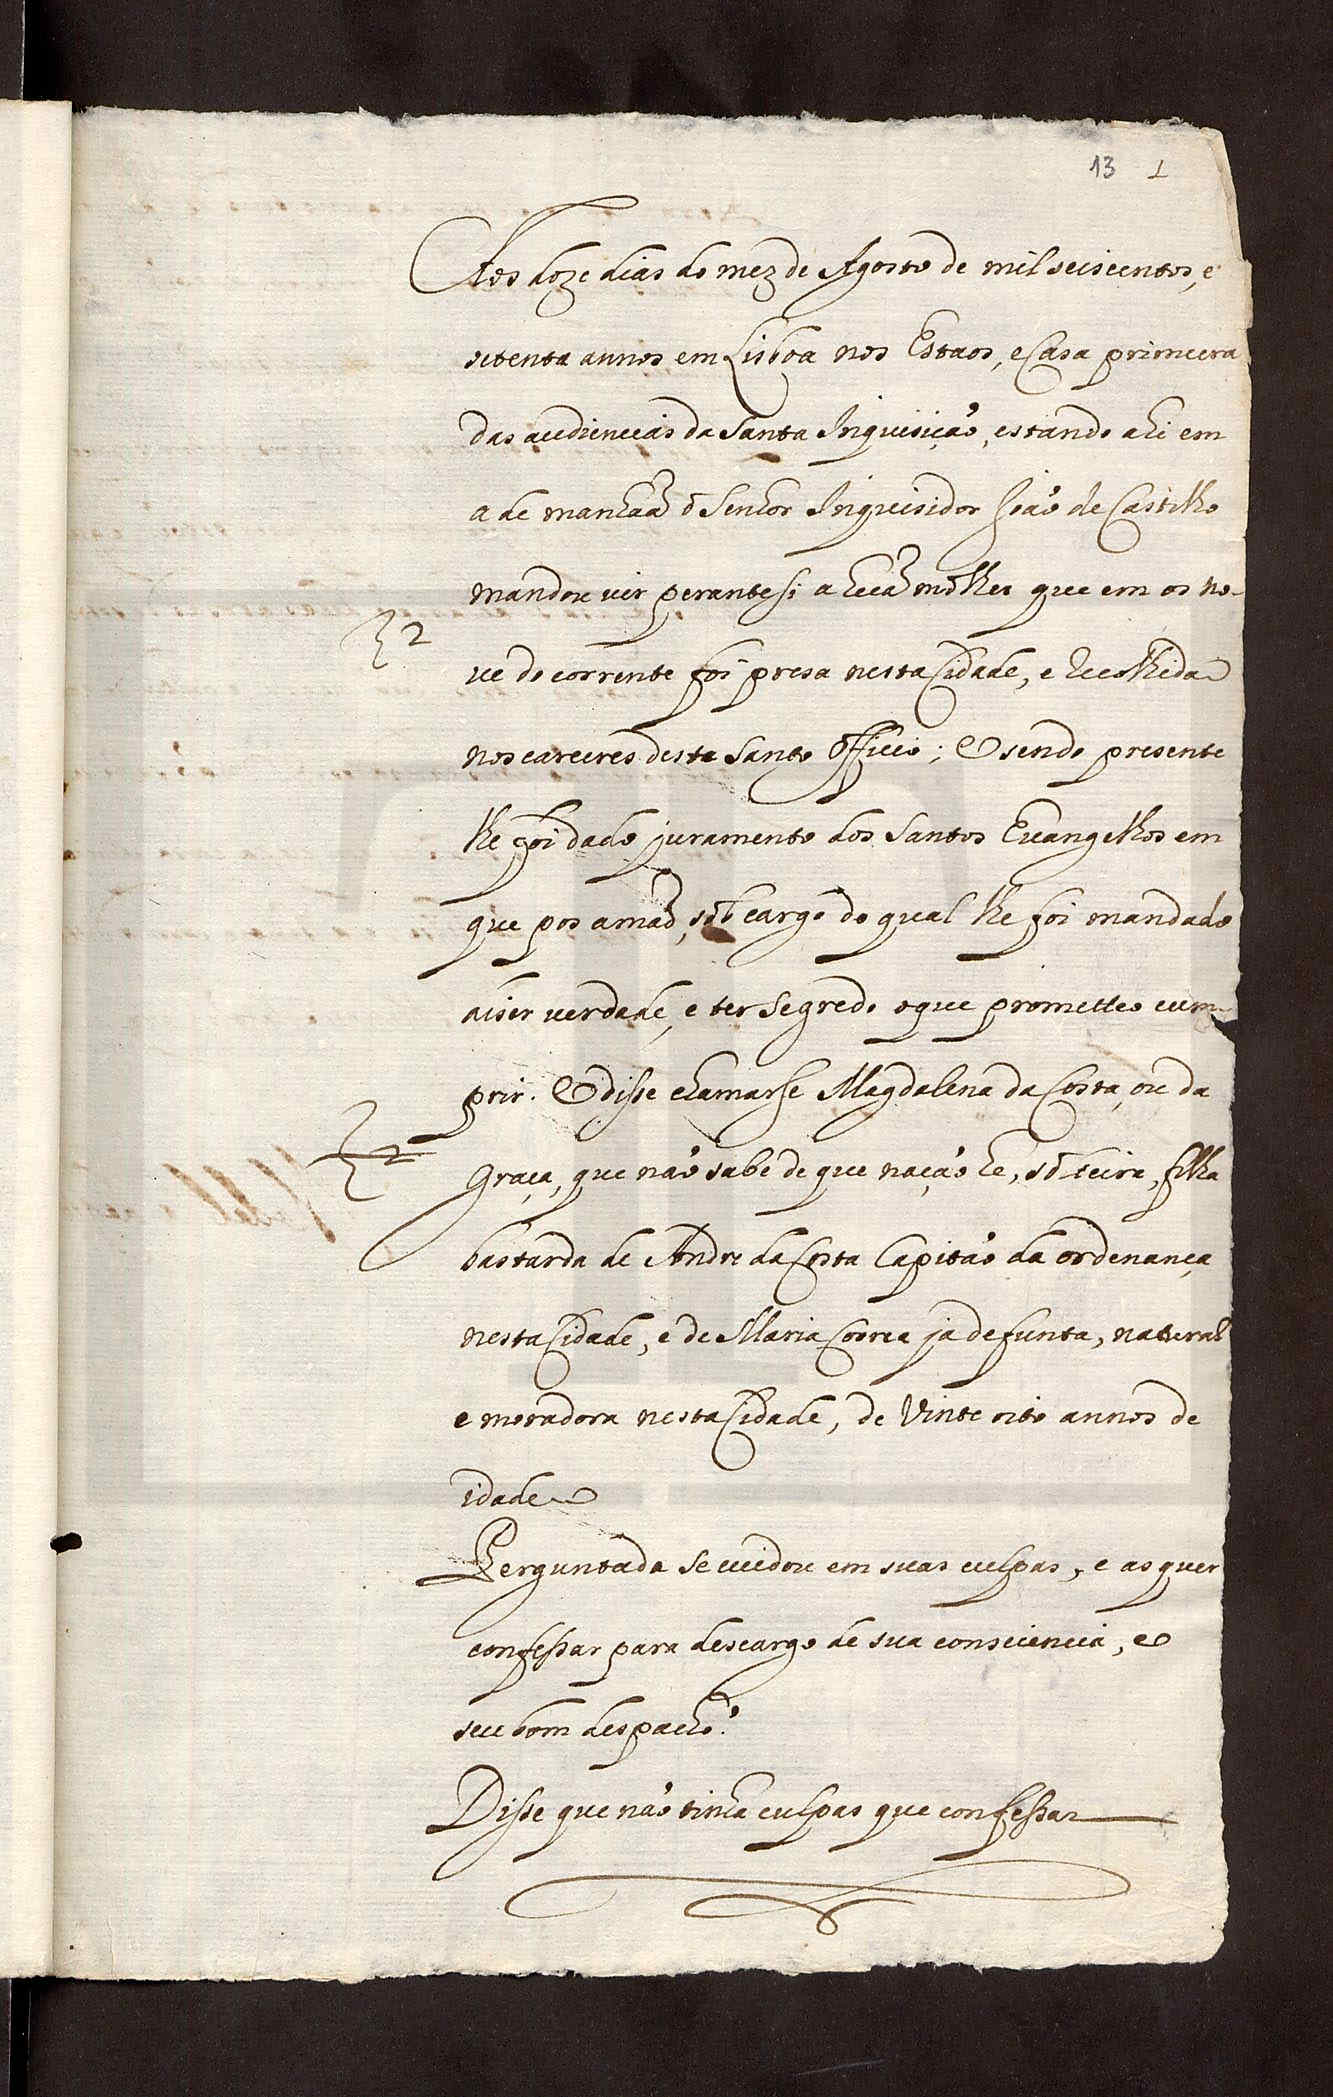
Aos doze dias do mez de Agosto de mil seiscentos, e
setenta annos em Lisboa nos Estaos, e Casa primeira
das audiencias da Santa Jnquisiçaõ, estando ahi em
a de manhaã o Senhor Jnquisidor João de Castilho
mandou vir perante si a huā molher que em os no
ve do corrente foi presa nesta Cidade, e recolhida
nos carceres deste Santo officio; E sendo presente
lhe foi dado juramento dos Santos Evangelhos em
que pos a mão, sob cargo do qual lhe foi mandado
diser verdade, e ter segredo o que prometteo cum
prir. E disse chamarse Magdalena da Costa, ou da
graça, que naõ sabe de que nação he, solteira, filha
bastarda de Andre da Costa Capitão da ordenança
nesta Cidade, e de Maria Correa ja defunta, natural
e moradora nesta Cidade, de Vinte oito annos de
idade
Perguntada se cuidou em suas culpas, e as quer
confessar para descargo de sua consciencia, e
seu bom despacho.
Disse que não tinha culpas que confessar
